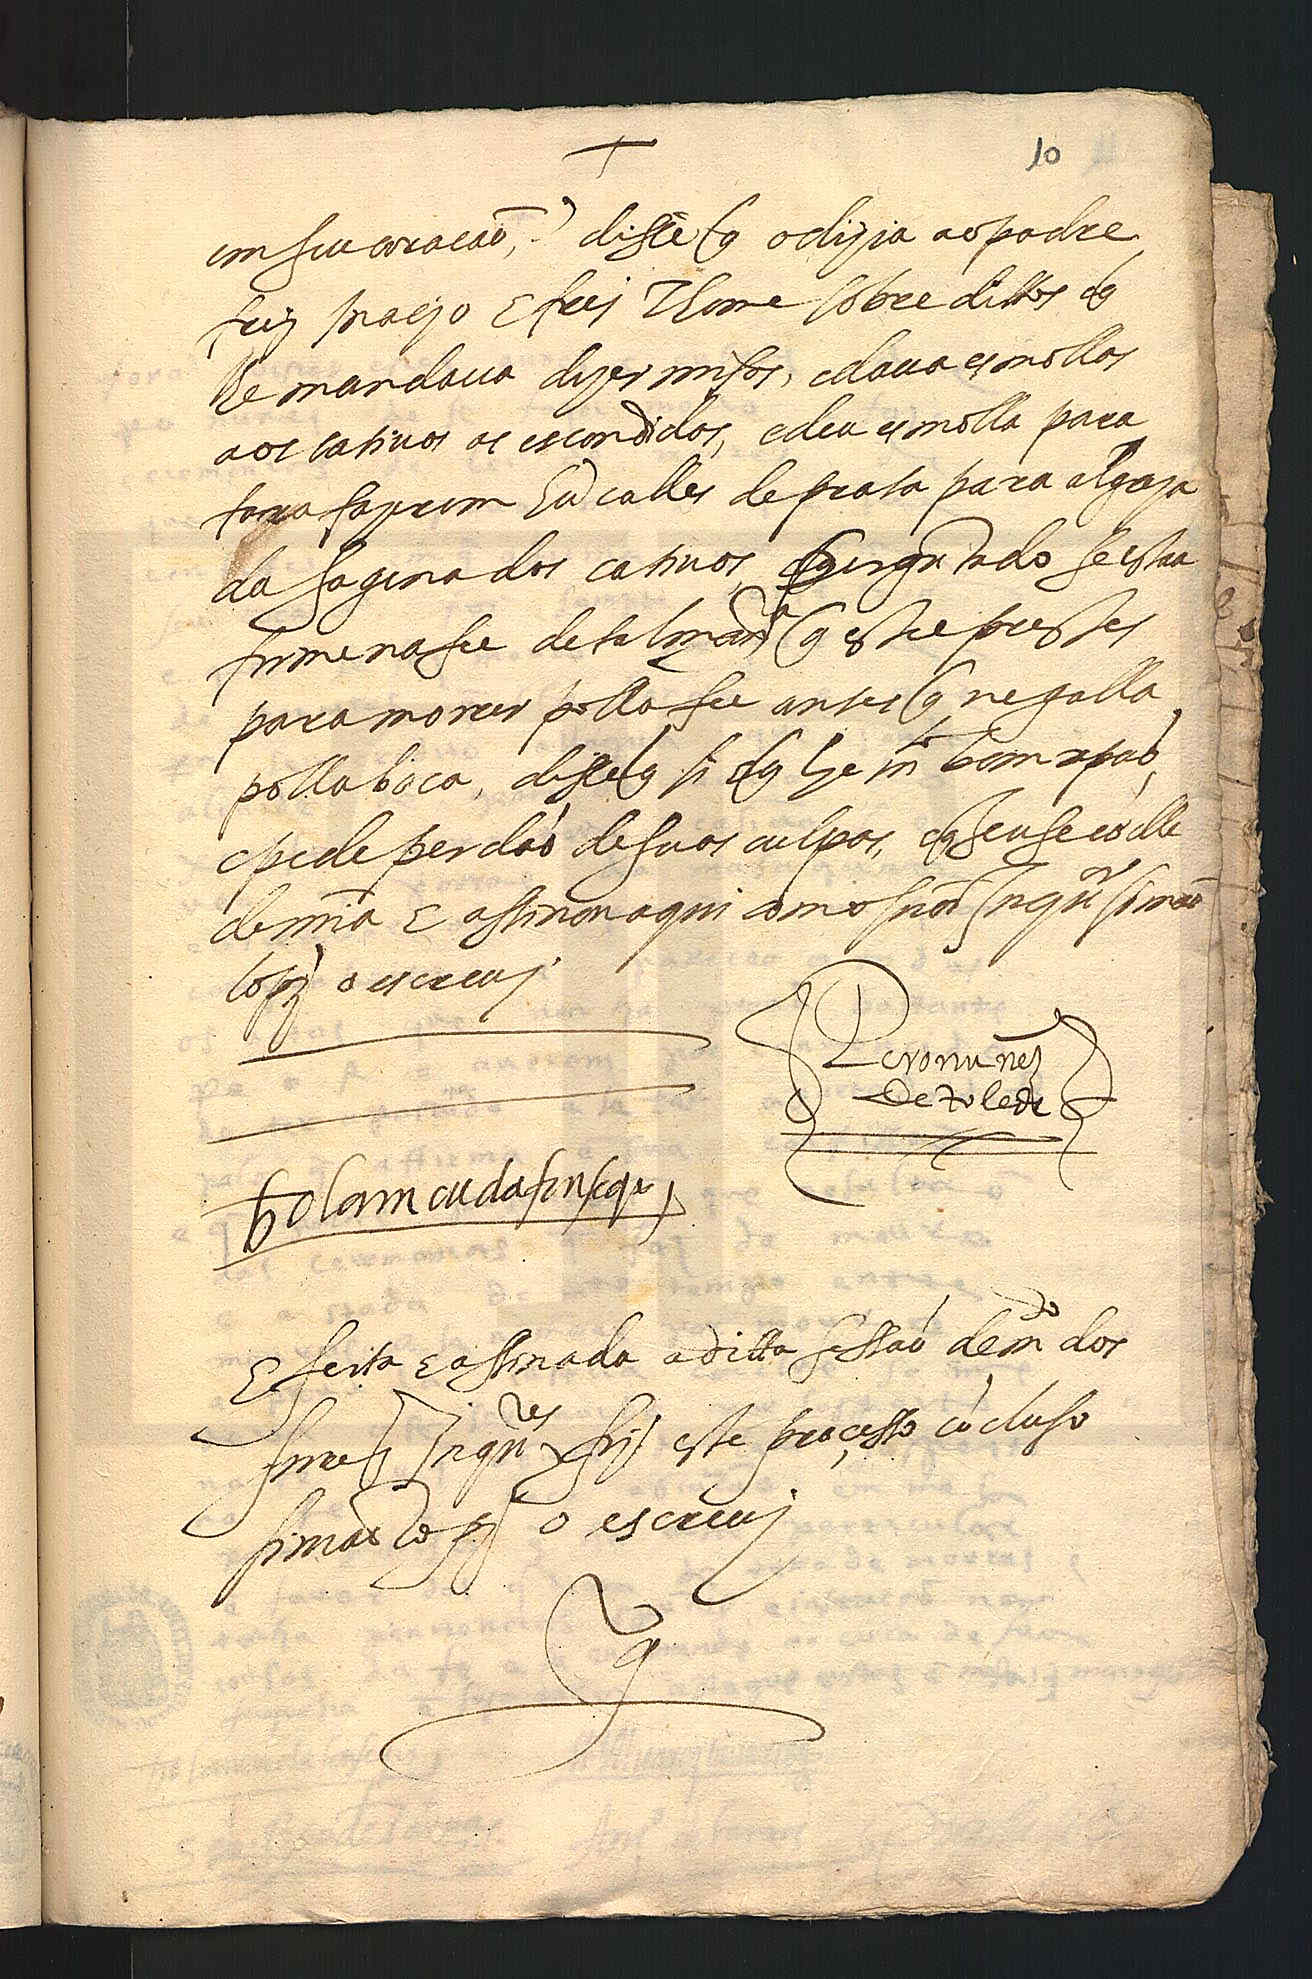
em seu coraçaõ? disse q̄ o dizia ao padre
frej Jnacjo E frej Thome sobredittos e q̄
lhe mandaua dizer misas, e daua esmollas
aos catiuos as escondidas, e deu esmolla para
fora fazerem hū calles de prata para a Igreja
da sagena dos catiuos, Pergūtado se estaa
firme na fee de tal manra q̄ estee prestes
para morrer polla fee antes q̄ negalla
polla boca, disse q̄ si e q̄ he mto bom xpaõ
e pede perdaõ de suas culpas, e q̄ se use cō elle
de mīa E assinou aqui com o snōr Jnquor simaõ
lopz̄ o escreuj
Pero nun̄ez
de toledo
b̄olameu da fonseqa
E feita E assinada a ditta sessão de mdo dos
snres̄ Jnqures fiz este processo cōcluso
simaõ lopz̄ o escreuj
ꝯo
